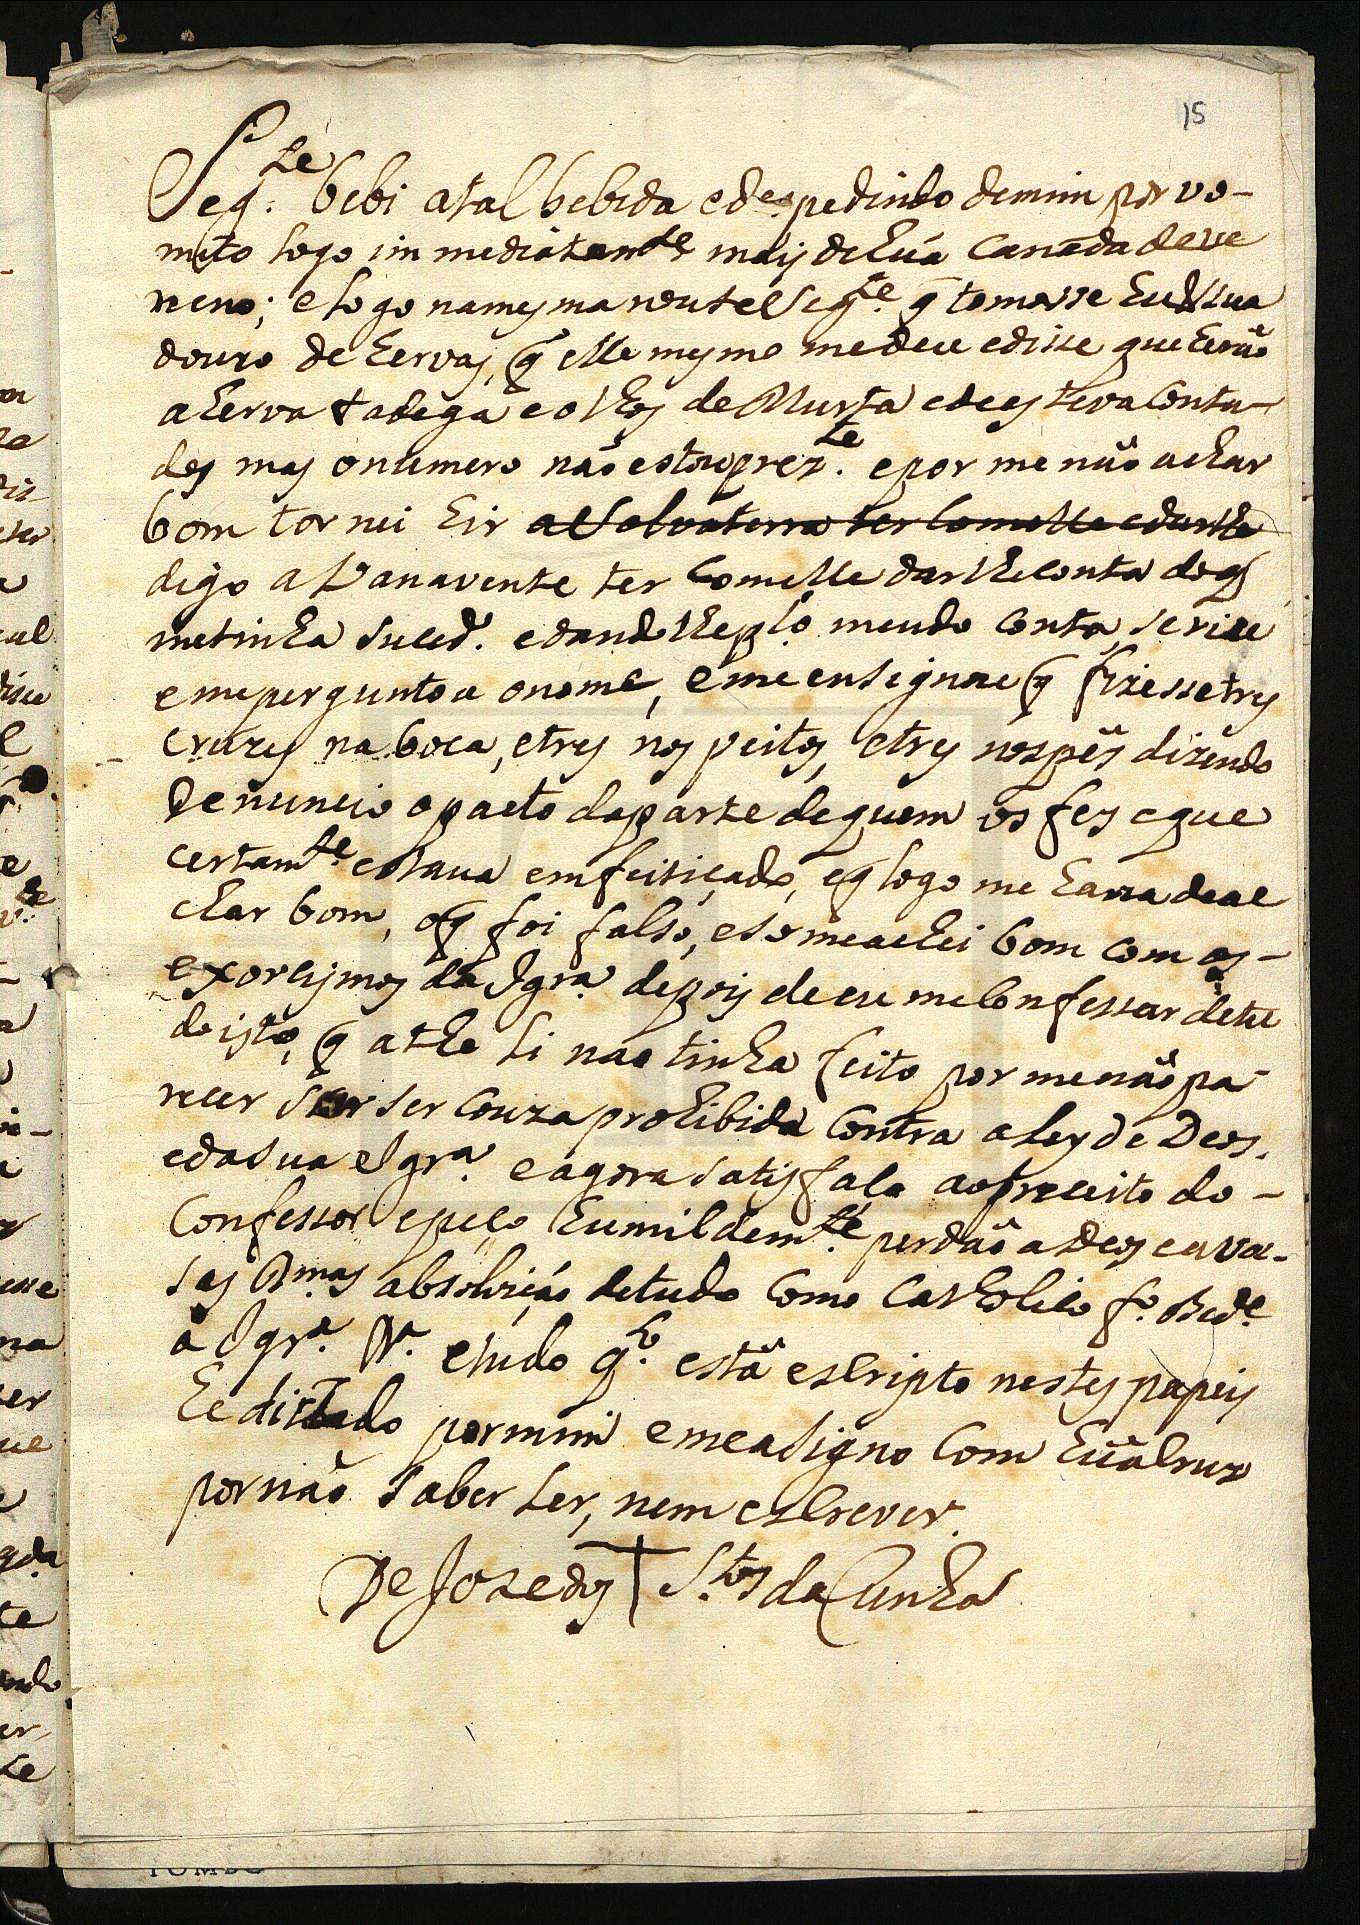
Seg.te bebi a tal bebida e de_pedindo de mim por vo
mito logo immediatamte mais de huā canada de ve
neno; e logo na mesma noute seg.te q̄ tomasse hū sua
douro de hervas, q̄ elle mesmo me deu, e disse que heraõ
a herva tadega e olhos de Murta e de as ter a conta
dos mas o numero naõ estou prez.te e por me não achar
bom tornei hir a Salvaterra ter Com elle e darlhe
digo a Vanavente ter com elle darlhe conta do q̄
metinha suced.o e dandolhe plo meudo conta, se riu
e me perguntou o nome, e me ensignou q̄ fizesse tres
cruzes na boca, e tres nos peitos, e tres nos pés dizendo
denuncio o pacto da parte de quem os fes e que
certam.te estaua emfeitiçado, e q̄ logo me havia de ac
char bom, o q̄ foi falso, e so me achei bom com os
exorcismos da Igr.a depois de eu me confessar de tu
do isto, q̄ athe li naõ tinha feito por me naõ pa
recer ser ser couza prohibida contra a Ley de Deos,
e da sua Igr.a, e agora satisfaço ao preceito do
Confessor e peço humildem.te perdaõ a Deos e a vos
sas R.mas absolvição de tudo Como Catholico f.o obed.e
a Igr.a. &.a e tudo q.to estâ escripto nestes papeis
he dictado por mim e me asigno Com huā cruz
por não saber Ler, nem esCrever.
De Joze dos S.tos da Cunha
